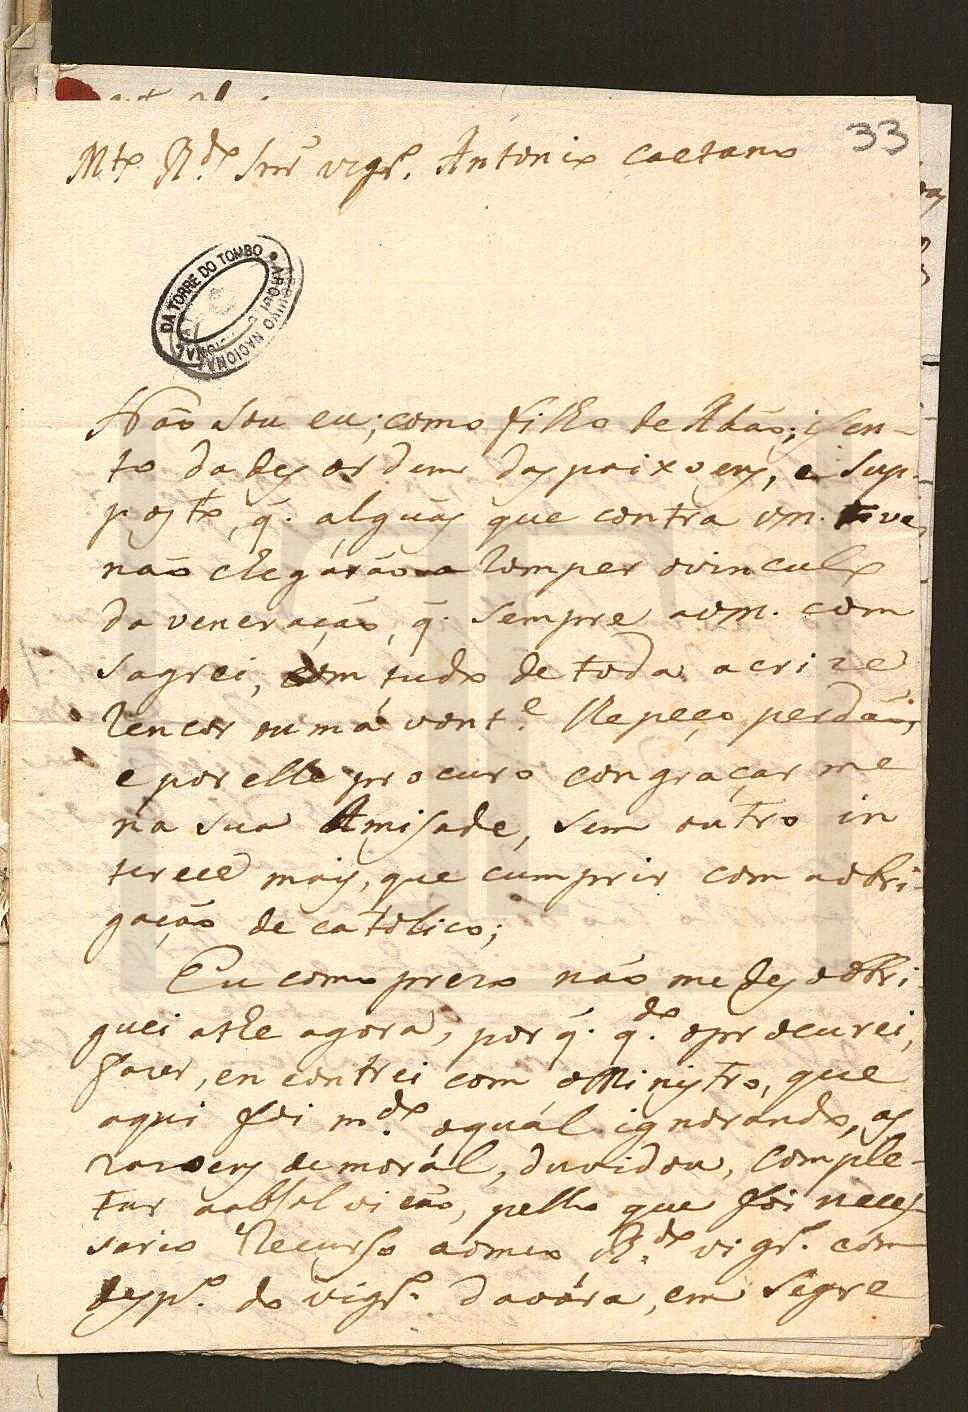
Mto R.do snr̄ vigr.o Antonio Caetano
Não Sou eu; como filho de Adão; isen
to da desordem das paixoens, e Sup
posto, que alguās que contra vm. teve
naõ chegarão a Romper o vinculo
da veneração, q̄. Sempre a vm. com
sagrei, comtudo de toda a crize
Rencor ou má vont.e lhe peço perdão;
e por elle procuro congraçar me
na Sua Amisade, sem outro in
terece mais, que cumprir com a obri
gação de catolico;
Eu como prezo não me desobbri
guei athe agora, por q̄. q.do o procurei,
fazer, encontrei com o Ministro, que
aqui foi m.do o qual ignorando, as
razoens de moral, duvidou, comple
tar a absolvicão, pello que foi neces
sario Recurso ao meo R.do vigr.o
desp.o do vigr.o da vára, em segre
